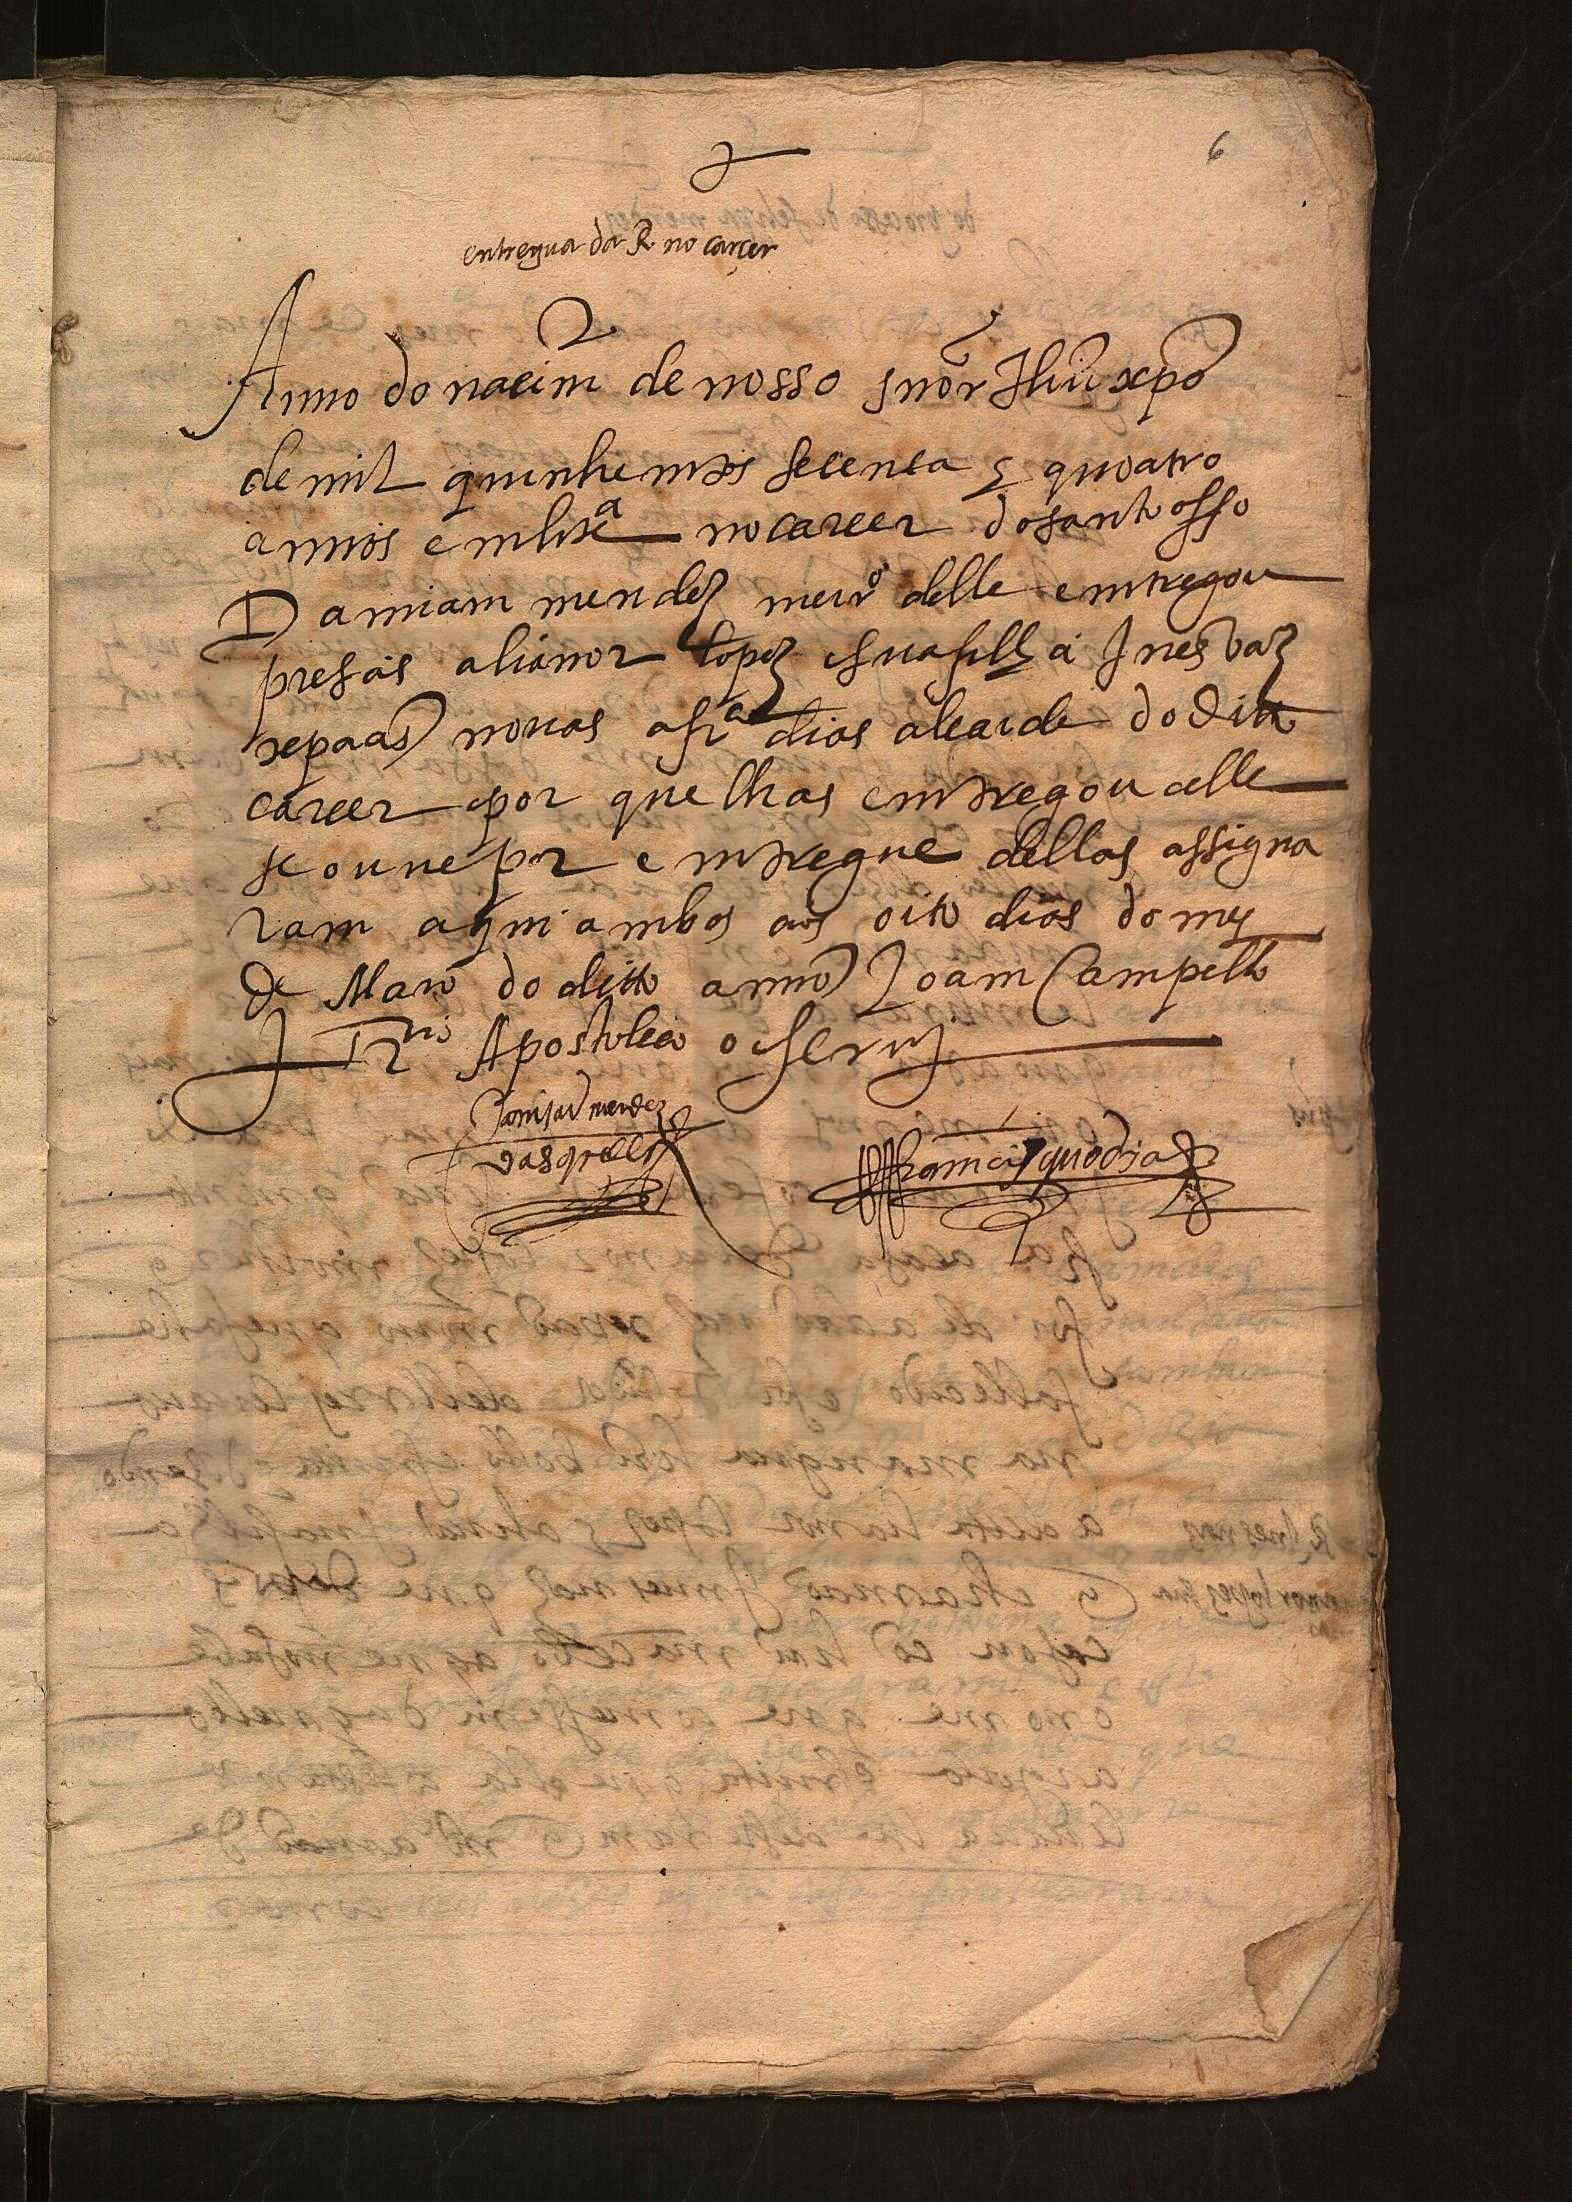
entregua da R. no carçer
Anno do nacimto de nosso sno̅r Jhu̅ xp̅o
de miL quinhemtos secenta E quoatro
annos em lixa no carcer do santo offo
Damiam mendez meiro delle emtregou
presas a lianor lopez e sua filha Jnes vaz
xpaa̅s nouas a frco dias alcaide do ditto
carcer e porque lhas emtregou e elle
se ouue por emtregue dellas assigna
ram aqui ambos aos oito dias do mes
de Maio do ditto anno̅ Joam Campello
Jtrio Apostolico o escruj
